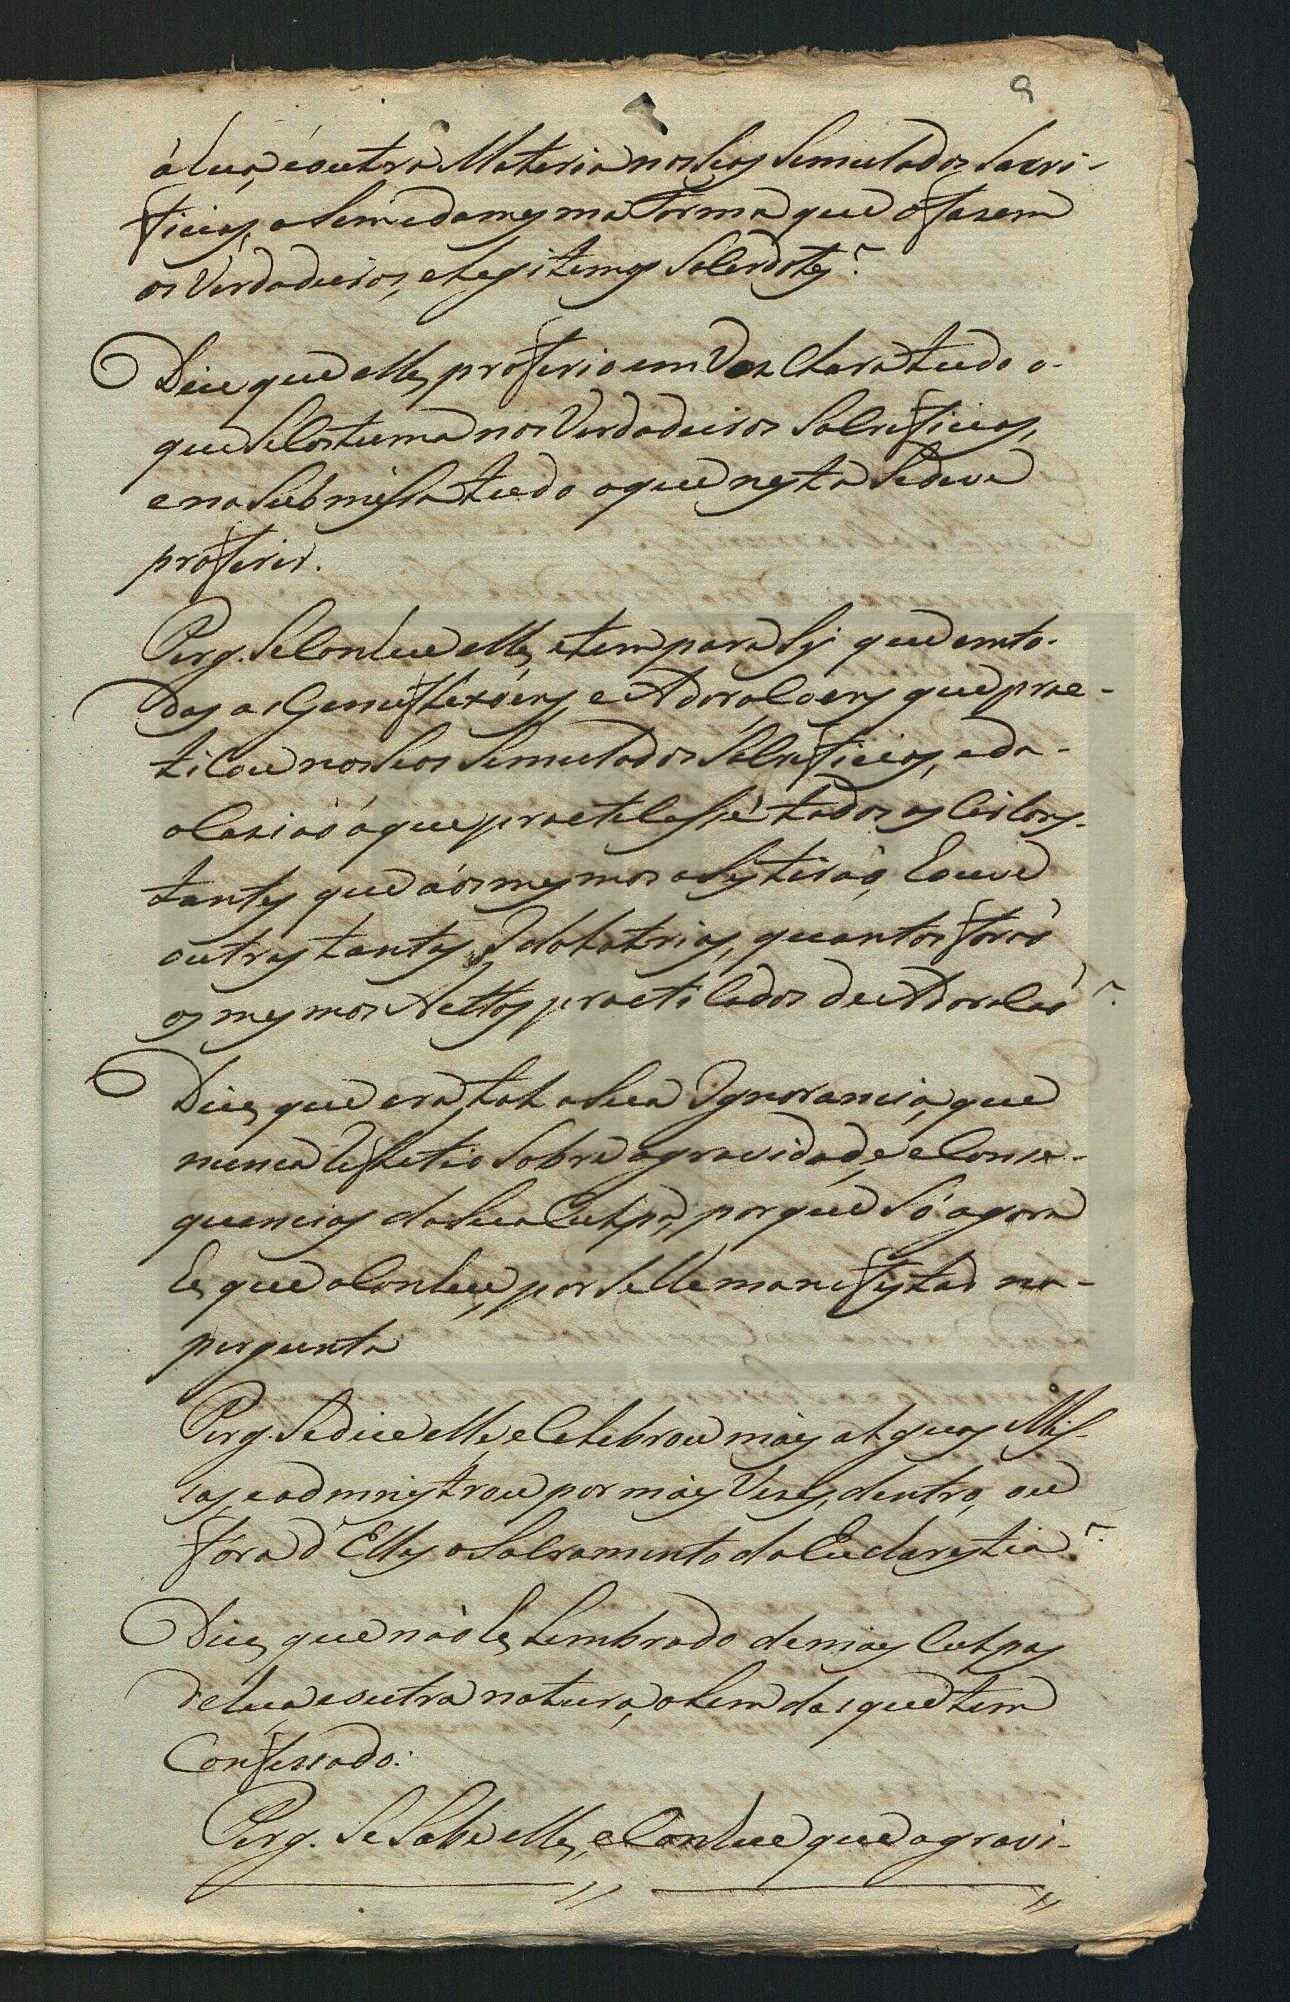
á hua, e outra Materia nos seos Semulados sacri
ficios, aSim e da mesma Forma que o fazem
os Verdadeiros, e Legitemos SaCerdotes?
Dice que elle proferio em Voz CLara tudo o
que se Costuma nos Verdadeiros SaCreficios,
e na sub missa tudo o que nesta Se deve
proferir.
Perg. se Conhece elle, e tem para Sy que em to
das as Genuflexoens, e AdoraCoens que prac
ticou nos seos Semulados SaCreficios, e da
oCaziaõ a que practiCasse todos os Circons
tantes que aos mesmos aSisteraõ houve
outras tantas Idolatrias, quantos foraõ
os mesmos Acttos practiCados de AdoraÇaõ
Dice que era taL a Sua Ignorancia, que
nunca Reflitio Sobre a gravidade, e Conse
quencias da sua Culpa, porque só agora
he que o Conhece por selhe manefestar na
pergunta
Perg. Se dice elle e Celebrou mais alguas Mis
sas, e admnistrou por mais Vezes dentro, ou
fora d'Ellas o Sacramento da Eucharestia?
Dice que naõ he Lembrado de mais Culpas
de hua e outra natura, alem das que tem
Confessado.
Perg. se sabe elle, e Conhece que a gravi
